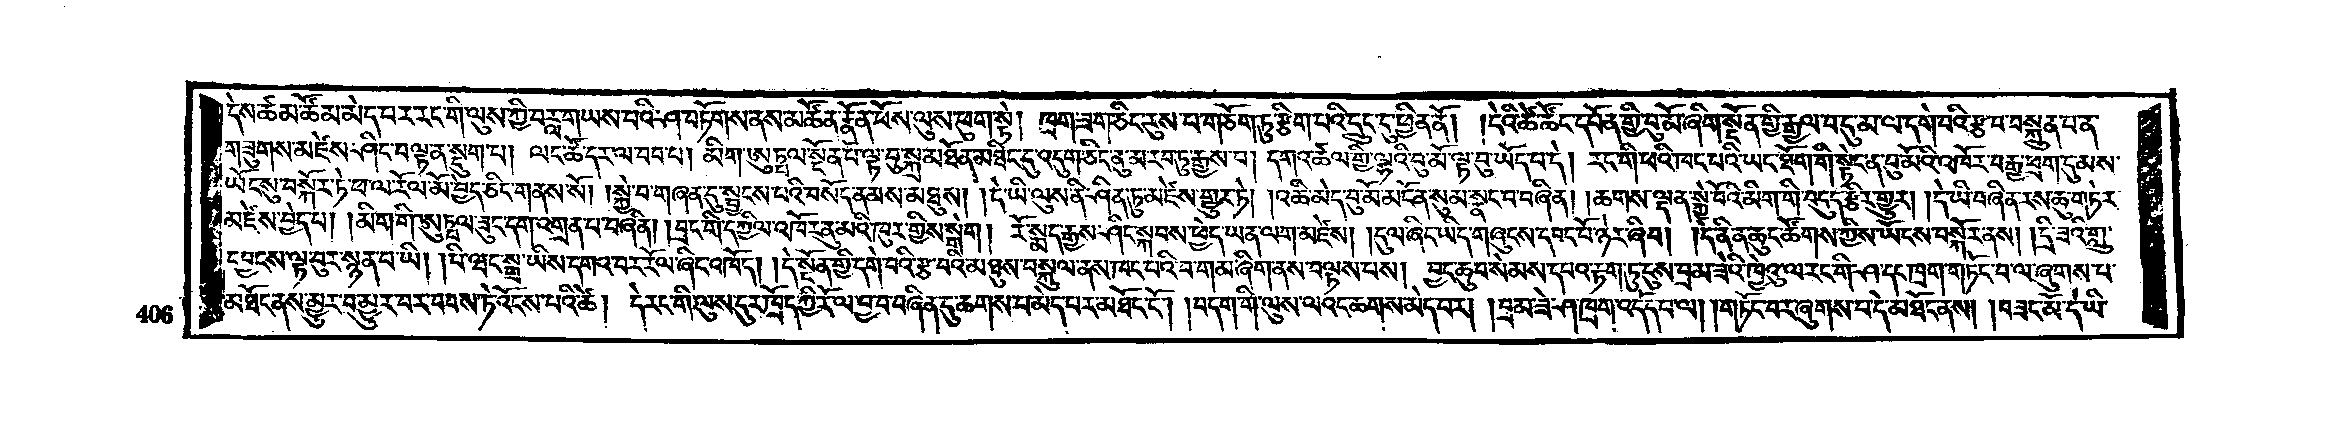དེས་ཚམ་ཚོམ་མེད་པར་རང་གི་ལུས་ཀྱི་བརླ་གཡས་པའི་ཤ་བཏོགས་ནས་མཚོན་རྣོན་པོས་ལུས་ཕུག་སྟེ། ཁྲག་ཟག་ཅིང་རུས་པ་གཅོག་ཏུ་རྩིག་པའི་དྲུང་དུ་ཕྱིན་ནོ། །དེའི་ཚེ་ཚོང་དཔོན་གྱི་བུ་མོ་ཞིག་སྔོན་གྱི་རྒྱལ་བ་དུ་མ་ལ་དགེ་བའི་རྩ་བ་བསྐྲུན་པ་ན་
གཟུགས་མཛེས་ཤིང་བལྟ་ན་སྡུག་པ། ལང་ཚོ་དར་ལ་བབ་པ། མིག་ཨུཏྤལ་སྔོན་པོ་ལྟ་བུ་སྒྲ་མཐོན་མཐིང་དུ་འདུག་ཅིང་ནུ་མ་ར་ཏུ་རྒྱས་པ། དགའ་ཚལ་གྱི་ལྷའི་བུ་མོ་ལྟ་བུ་ཡོད་པ་དེ། རང་གི་ཕའི་ཁང་པའི་ཡང་ཐོག་གི་སྟེང་ན་པུ་མོའི་འཁོར་བརྒྱ་ཕྲག་དུ་མས་
ཡོངས་སུ་བསྐོར་ཏེ་ཕ་ལ་རོལ་མོ་བྱེད་ཅིང་གནས་སོ། །སྐྱེ་བ་གཞན་དུ་སྦྱངས་པའི་བསོད་ནམས་མཐུས། །དེ་ཡི་ལུས་ནི་ཤིན་ཏུ་མཛེས་གྱུར་ཏེ། །འཆི་མེད་བུ་མོ་མངོན་སུམ་སྣང་བ་བཞིན། །ཆགས་ལྡན་སྐྱེ་བོའི་མིག་གི་བདུད་རྩིར་གྱུར། །དེ་ཡི་བཞིན་རས་ཆུ་གཏེར་
མཛེས་བྱེད་པ། །མིག་གི་ཨུཏྤལ་ཟུང་དག་འགྲན་པ་བཞིན། །བྲང་གི་དཀྱིལ་འཁོར་ནུ་མའི་ཁུར་གྱིས་སྒེག། རོ་སྨད་རྒྱས་ཤིང་སྐབས་ཕྱེད་ཡན་ལག་མཛེས། །དུལ་ཞིང་ཡིད་གཞུངས་དབང་པོ་ཉེར་ཞི་བ། །དེ་ནི་ན་ཆུང་ཚོགས་ཀྱིས་ཡོངས་བསྐོར་ནས། །དྲི་ཟའི་གླུ་
དབྱངས་ལྟ་བུར་སྙན་པ་ཡི། །པི་ཝང་སྒྲ་ཡིས་དགའ་བར་རོལ་ཞིང་འཁོད། །དེ་སྔོན་གྱི་དགེ་བའི་རྩ་བའི་མཐུས་བསྐུལ་ནས་ཁང་པའི་བ་གམ་ཞིག་ནས་བལྟས་པས། བྱང་ཆུབ་སེམས་དཔའ་རྟག་ཏུ་དུས་བྲམ་ཟེའི་ཁྱེའུ་ལ་རང་གི་ཤ་དང་ཁྲག་གཏོང་བ་ལ་ཞུགས་པ་
མཐོང་ནས་མྱུར་བ་མྱུར་བར་བབས་ཏེ་འོངས་པའི་ཚེ། དེ་རང་གི་ལུས་དུར་ཁྲོད་ཀྱི་རོ་ལ་བྱ་བ་བཞིན་དུ་ཆགས་པ་མེད་པར་མཐོང་ངོ། །བདག་གི་ལུས་ལའང་ཆགས་མེད་པར། །བྲམ་ཟེ་ཤ་ཁྲག་འདོད་པ་ལ། །གཏོང་བར་ཞུགས་པ་དེ་མཐོང་ནས། །བཟང་མོ་དེ་ཡི་